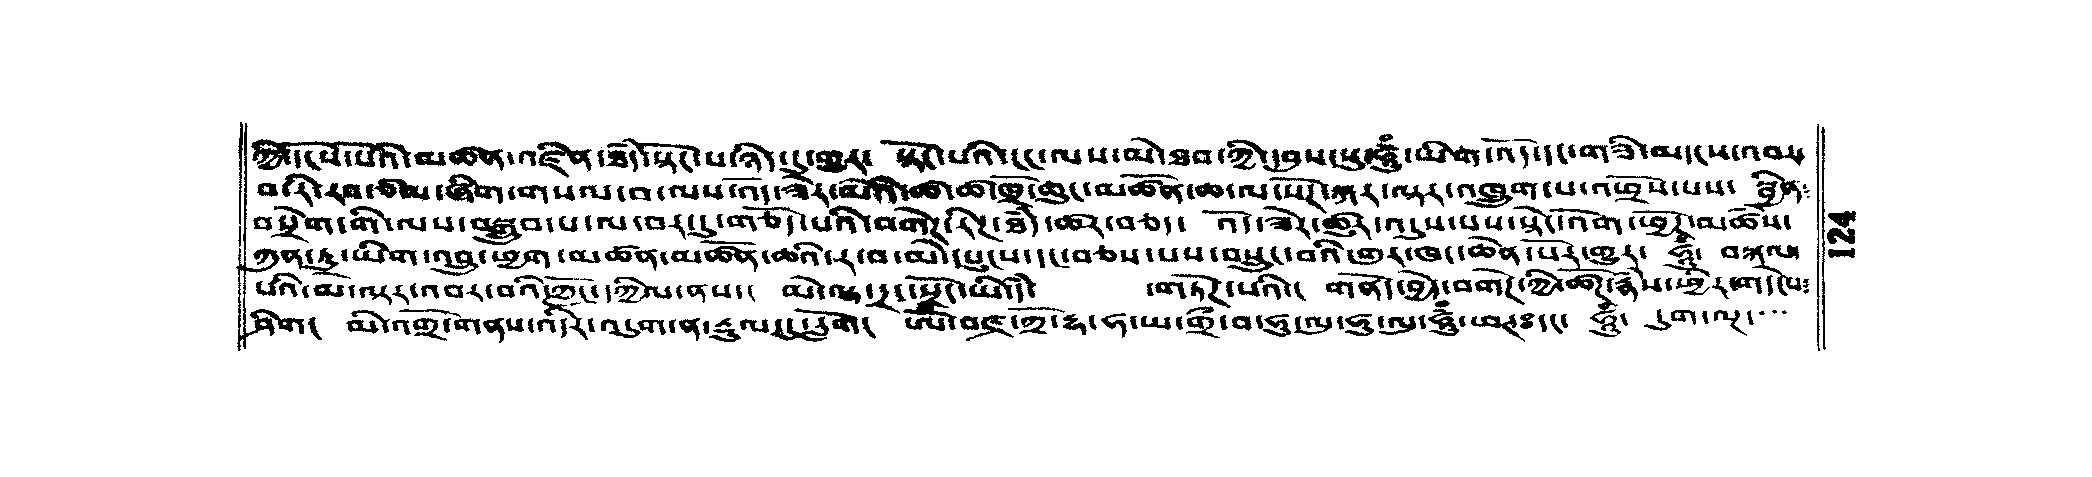དངོས་པོའི་མཚན་འཛིན་ཐམས་ཅད་སྟོང་པ་ཉིད་དུ་གྱུར། སྟོང་པའི་ངང་ལས་མེ་ཐབ་ཀྱི་དབུས་སུ་ཧཱུྃ་ཡིག་འདོད་འོད་དང་གཟི་མདངས་འབར་
བ་རི་རབ་ཙམ་ཞིག་གསལ་བ་ལས་འོད་ཟེར་མེའི་ཚ་ཚ་ཁྲོ་ཆུང་མཚོན་ཚ་ལ་སོགས་སྐར་ལྟར་འཁྲུག་པ་འཕྲོས་པས། སྦྱིན་
བསྲེག་གི་ལས་བསྒྲུབ་པ་ལ་བར་དུ་གཅོད་པའི་བགེགས་རིགས་ཐམས་ཅད་ཚར་བཅད། འོད་ཟེར་ཚུར་འདུས་པས་སྟེང་འོག་ཕྱོགས་མཚམས་
ཀུན་ཏུ་ཡིག་འབྲུ་ཕྱག་མཚན་མཚོན་ཆའི་ར་བ་མེ་དཔུང་དང་བཅས་པས་བསྲུང་བའི་གུར་ཁང་ཆེན་པོར་གྱུར། ཧཱུྃ། བསྐལ་
པའི་མེ་ལྟར་འབར་བའི་ཀློངས་དཀྱིལ་ནས། །མེ་ལྷ་དྲང་སྲོང་ཡི་དམ་་་་་་་་་་་་་གཏོགས་པའི། །གནོད་བྱེད་བགེགས་ཀྱི་ཚོགས་རྣམས་ཕྱིར་གདེགས་
ཤིག་མི་འགྲོ་གནས་འདིར་འདུག་ན་རྡུལ་དུ་རློག་ཨོྃ་བཛྲ་ཀྲོ་དྷ་ཧ་ཡ་གྲྀ་བ་ཧུ་ལུ་ཧུ་ལུ་ཧཱུྃ་ཕཊཿདང་། ཧཱུྃ། དུག་ལྔ་